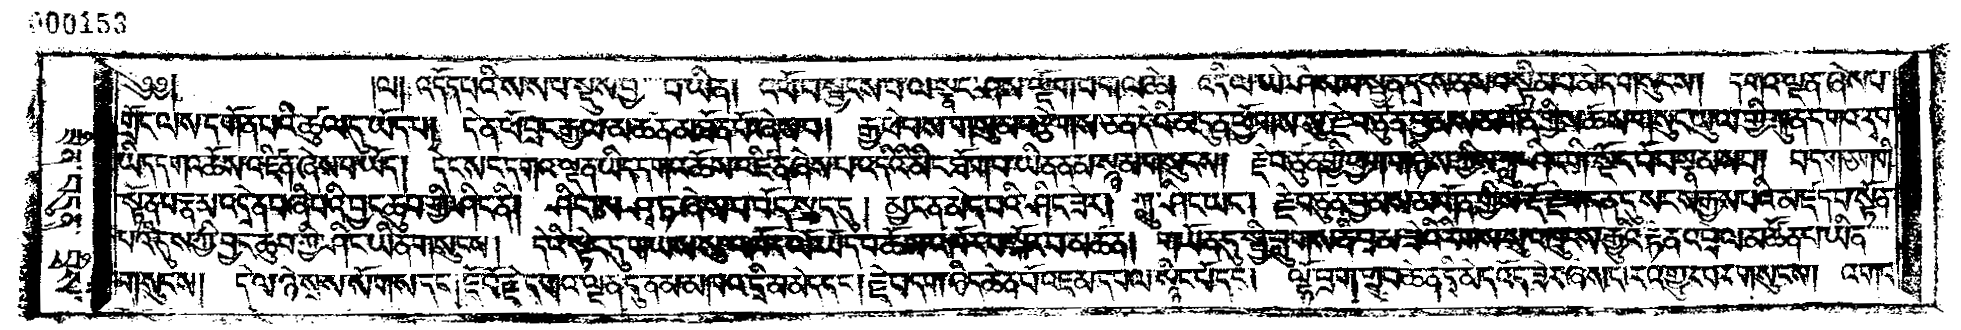༄༅། །ལ། འདོད་པའི་སས་བསྡུས་བྱ་བ་ཡིན། འཕོ་བ་སྦྱངས་པ་ལ་སྣང་ཤས་ལྡོག་པ་གལ་ཆེ། འདི་ལ་ཡེ་ཤེས་པ་སྤྱན་དྲངས་ནས་བསྟིམ་པ་མེད་གསུངས། དགའ་ལྡན་ཞེས་པ་
གྲོང་ལས་དགོན་པའི་ཚུལ་དུ་ཡོད་པ། དེ་ན་ཕོ་བྲང་རྒྱལ་མཚན་མཐོན་པོ་ཞེས་པ། རྒྱ་ཕེབས་གསུམ་བརྩེགས་ཅན་དེའི་མདུན་ཕྱོགས་སུ་རྗེ་བཙུན་བྱམས་མགོན་གྱིས་ཆོས་གསུང་ཡུལ་གྱི་ཀུན་དགའ་རྭ་བ་
ཡིད་དགའ་ཆོས་འཛིན་ཞེས་པ་ཡོད། དེང་སང་དགའ་ལྡན་ཡིད་དགའ་ཆོས་འཛིན་ཞེས་པ་འདིའི་མིང་ཐོག་པ་ཡིན་ནམ་སྙམ་གསུངས། རྗེ་བཙུན་གྱི་ཕྱག་གཉིས་ཀྱིས་ཀླུ་ཤིང་གི་སྡོང་པོ་བསྣམས་པ། བདག་ཅག་གི་
སྟོན་པ་རྣམ་འདྲེན་བཞི་བའི་བྱང་ཆུབ་ཀྱི་ཤིང་ནི། ཤིང་ཨ་ཤྭ་ཏ་ཞེས་པ་བོད་སྐད་དུ། མྱ་ངན་མེད་པའི་ཤིང་ཟེར། ཀླུ་ཤིང་ཡང་། རྗེ་བཙུན་བྱམས་མགོན་གྱིས་རྡོ་རྗེ་གདན་དུ་སངས་རྒྱས་པའི་མཛད་པ་སྟོན་
པའི་དུས་ཀྱི་བྱང་ཆུབ་ཀྱི་ཤིང་ཡིན་གསུངས། དེའི་སྟེང་དུ་གཡས་སུ་འཁོར་ལོ་ཡོད་པ་ཆོས་འཁོར་བསྐོར་བ་མཚན། གཡོན་དུ་སྤྱི་བླུགས་ནི་བྲམ་ཟེའི་རིགས་སུ་འཁྲུངས་རྒྱུའི་རྟེན་འབྲེལ་མཚོན་པ་ཡིན་
གསུངས། དེ་ལ་ཉེ་སྲས་སོགས་དང་། ཇོ་བོ་རྗེ་དགའ་ལྡན་དུ་ནམ་མཁའ་དྲི་མ་མེད་དང་། རྗེ་བདག་ཉིད་ཆེན་པོ་འཇམ་དཔལ་སྙིང་པོ་དང་། ལྷོ་བྲག་གྲུབ་ཆེན་དྲི་མེད་འོད་ཟེར་ཞེས་པར་འགྱུར་པར་གསུངས། འགའ་